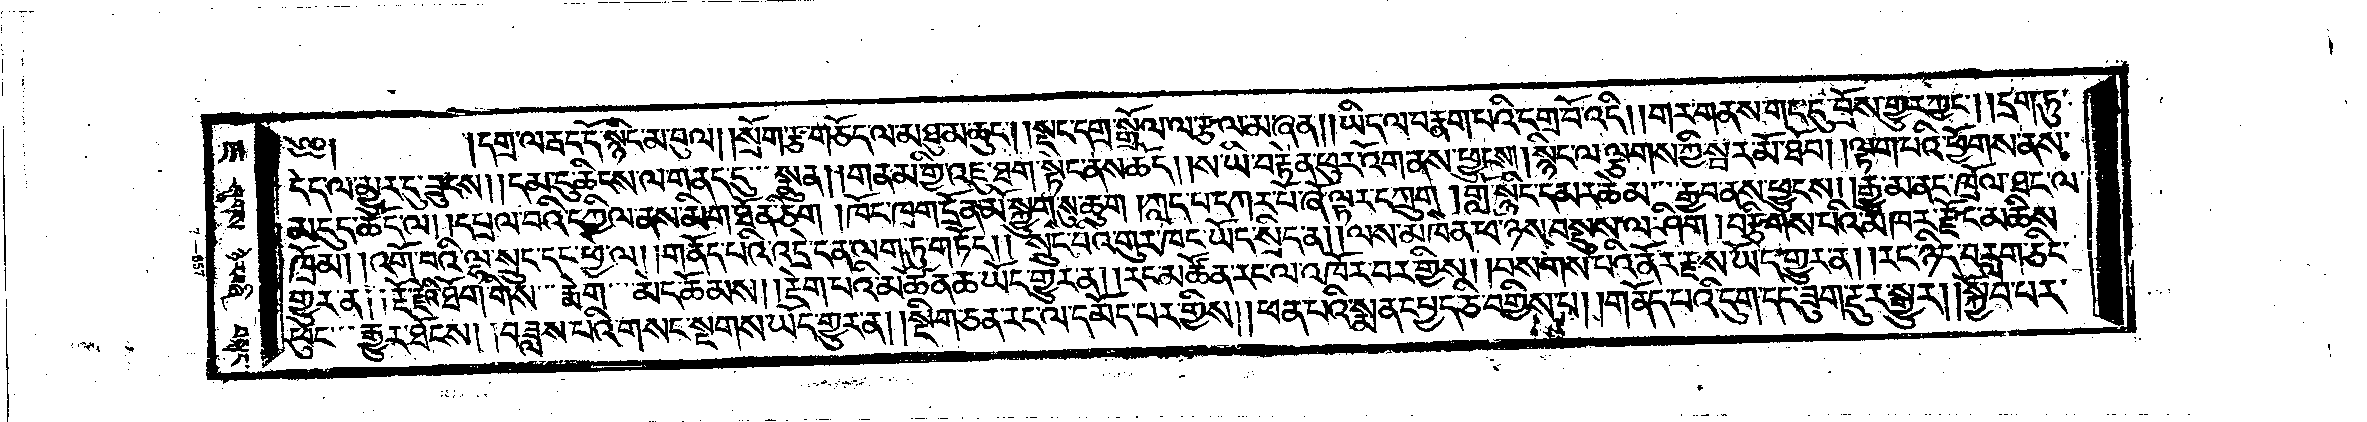༄༅། །དགྲ་ལ་རྦད་དོ་སྙིང་མ་བུལ། །སྲོག་རྩ་གཅོད་ལ་མཐུ་མ་ཆུང་། །སྡང་དགྲ་སྒྲོལ་ལ་རྩལ་མ་ཞན། །ཡིད་ལ་བྲང་པའི་དགྲ་བོ་འདི། །གར་གནས་གང་དུ་བྲོས་གྱུར་ཀྱང་། །དྲག་ཏུ་
དེད་ལ་མྱུར་དུ་ཟུངས། །དམ་དུ་ཆིངས་ལ་གནད་དུ་སྣུན། །གནམ་གྱི་འཇུ་ཐག་སྟེང་ནས་ཆོད། །ས་ཡི་བརྟེན་ཕུར་འོག་ནས་ཕྱུང་། །སྙིང་ལ་ལྕགས་ཀྱི་སྦར་མོ་ཐོབ། །ལྷག་པའི་ཕྱོགས་ནས་
མདུད་ཚོད་ལ། །དཔྲལ་པའི་དཀྱིལ་ནས་མིག་ཐོན་ཅིག །ཁོང་ཁྲག་དྲོན་མོ་སྐྱུགས་སུ་ཆུག །ཀླད་པ་དཀར་པོ་ཞོ་ལྟར་དཀྲུག །གློ་སྙིང་དམ་དམར་ཆེམ་ཡ་རྒྱབ་ནས་ཕྱུངས། །རྒྱུ་མ་ནང་ཁྲོལ་ཐང་ལ་
ཁྲོམ། །འོག་བའི་ལྷ་སྲུང་དང་ཕྱ་ལ། །གནོད་པའི་འདྲེ་ངན་ལག་ཏུ་གཏོང་། །སྲུང་བའི་གུར་ཁང་ཡོད་སྲིད་ན། །ལས་མཁན་ཕོ་ཉས་བསྡུས་ལ་ཤིག །བརྩིགས་པའི་མཁར་རྫོང་མཆིས་
གྱུར་ན༑ ༑རྡོ་རྗེའི་ཐོག་གིས་རྨེག་མེད་ཆོམས། །རྡེག་པའི་མཚོན་ཆ་ཡོད་གྱུར་ན། །རང་མཚོན་རང་ལ་འཁོར་པར་གྱིས། །བསགས་པའི་ནོར་རྫས་ཡོད་གྱུར་ན། །རང་ཉིད་བརླག་ཅིང་
ཕུང་རྒྱུར་ཐོངས། །བཟླས་པའི་གསང་སྔགས་ཡོད་གྱུར་ན། །སྡིག་ཅན་རང་ལ་དམོད་པར་གྱིས། །ཕན་པའི་སྨན་དཔྱད་ཅི་བགྱིས་པ། །གནོད་པའི་དུག་དང་ཟུག་རྡུར་སྒྱུར། །སྐྱོབ་པར་